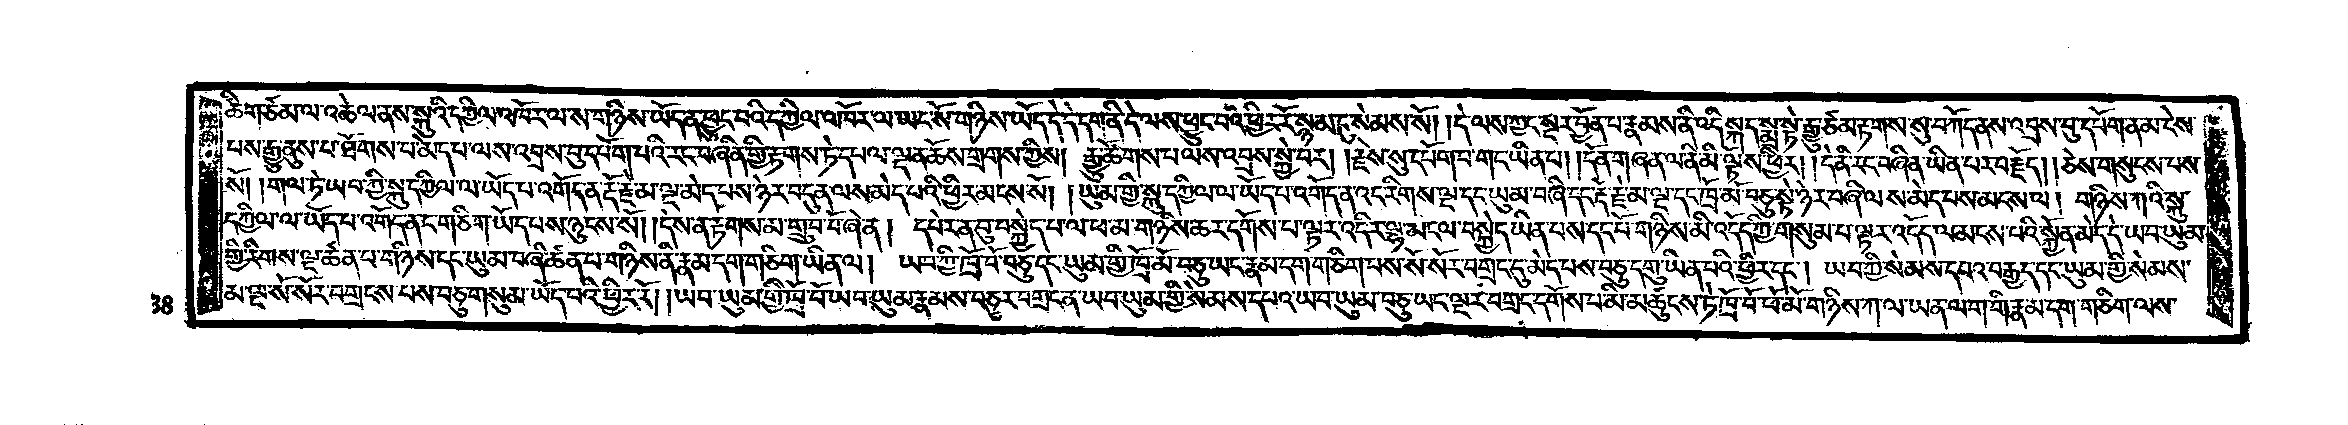ཚིག་ཙམ་ལ་འཆེལ་ནས་སྐུའི་དཀྱིལ་འཁོར་ལ་སོ་གཉིས་ཡོད་ན་ཕྱུང་བའི་དཀྱིལ་འཁོར་ལ་ཡང་སོ་གཉིས་ཡོད་དེ་དེ་དག་ནི་དེ་ལས་ཕྱུང་བའི་ཕྱིར་རོ་སྙམ་དུ་སེམས་སོ། །དེ་ལས་ཀྱང་སྔར་བྱོན་པ་རྣམས་ནི་འདི་སྐད་སྨྲ་སྟེ་རྒྱུ་ཙམ་རྟགས་སུ་བཀོད་ནས་འབྲས་བུ་དཔོག་ན་མ་ངེས་
པས་རྒྱུ་ནུས་པ་ཐོགས་པ་མེད་པ་ལས་འབྲས་བུ་དཔོག་པའི་རང་བཞིན་གྱི་རྟགས་ཏེ་དཔལ་ལྡན་ཆོས་གྲགས་ཀྱིས། རྒྱུ་ཚོགས་པ་ལས་འབྲས་སྐྱེ་བར། །རྗེས་སུ་དཔོག་པ་གང་ཡིན་པ། །དོན་གཞན་ལ་ནི་མི་ལྟོས་ཕྱིར། །དེ་ནི་རང་བཞིན་ཡིན་པར་བརྗོད། །ཅེས་གསུངས་པས་
སོ། །གལ་ཏེ་ཡབ་ཀྱི་སྐུ་དཀྱིལ་ལ་ཡོད་པ་འགོད་ན་རྡོ་རྗེ་མ་ལྔ་མེད་པས་ཉེར་བདུན་ལས་མེད་པའི་ཕྱིར་མངས་སོ། །ཡུམ་གྱི་སྐུ་དཀྱིལ་ལ་ཡོད་པ་འགོད་ན་འང་རིགས་ལྔ་དང་ཡུམ་བཞི་དང་རྡོ་རྗེ་མ་ལྔ་དང་ཁྲོ་མོ་བཅུ་སྟེ་ཉེར་བཞི་ལས་མེད་པས་མངས་ལ། གཉིས་ཀའི་སྐུ་
དཀྱིལ་ལ་ཡོད་པ་འགོད་ན་ང་གཅིག་ཡོད་པས་ཉུངས་སོ། །དེས་ན་རྟགས་མ་གྲུབ་བོ་ཞེ་ན། དཔེར་ན་བུ་བསྐྱེད་པ་ལ་ཕ་མ་གཉིས་ཆར་དགོས་པ་ལྟར་འདིར་ལྷ་མངལ་བསྐྱེད་ཡིན་པས་དང་པོ་གཉིས་མི་འདོད་ཀྱི་གསུམ་པ་ལྟར་འདོད་ལ་མངས་པའི་སྐྱོན་མེད་དེ་ཡབ་ཡུམ་
གྱི་རིགས་ལྔ་ཚན་པ་གཉིས་དང་ཡུམ་བཞི་ཚན་པ་གཉིས་ནི་རྣམ་དག་གཅིག་ཡིན་ལ། ཡབ་ཀྱི་ཁྲོ་བོ་བཅུ་དང་ཡུམ་གྱི་ཁྲོ་མོ་བཅུ་ཡང་རྣམ་དག་གཅིག་པས་སོ་སོར་བགྲང་དུ་མེད་པས་བཅུ་དགུ་ཡིན་པའི་ཕྱིར་དང་། ཡབ་ཀྱི་སེམས་དཔའ་བརྒྱད་དང་ཡུམ་གྱི་སེམས་
མ་ལྔ་སོ་སོར་བགྲངས་པས་བཅུ་གསུམ་ཡོད་པའི་ཕྱིར་རོ། །ཡབ་ཡུམ་གྱི་ཁྲོ་བོ་ཡབ་ཡུམ་རྣམས་བཅུར་བགྲང་ན་ཡབ་ཡུམ་གྱི་སེམས་དཔའ་ཡབ་ཡུམ་བཅུ་ཡང་ལྔར་བགྲང་དགོས་པ་མི་མཚུངས་ཏེ་ཁྲོ་བོ་ཕོ་མོ་གཉིས་ཀ་ལ་ཡན་ལག་གི་རྣམ་དག་གཅིག་ལས་